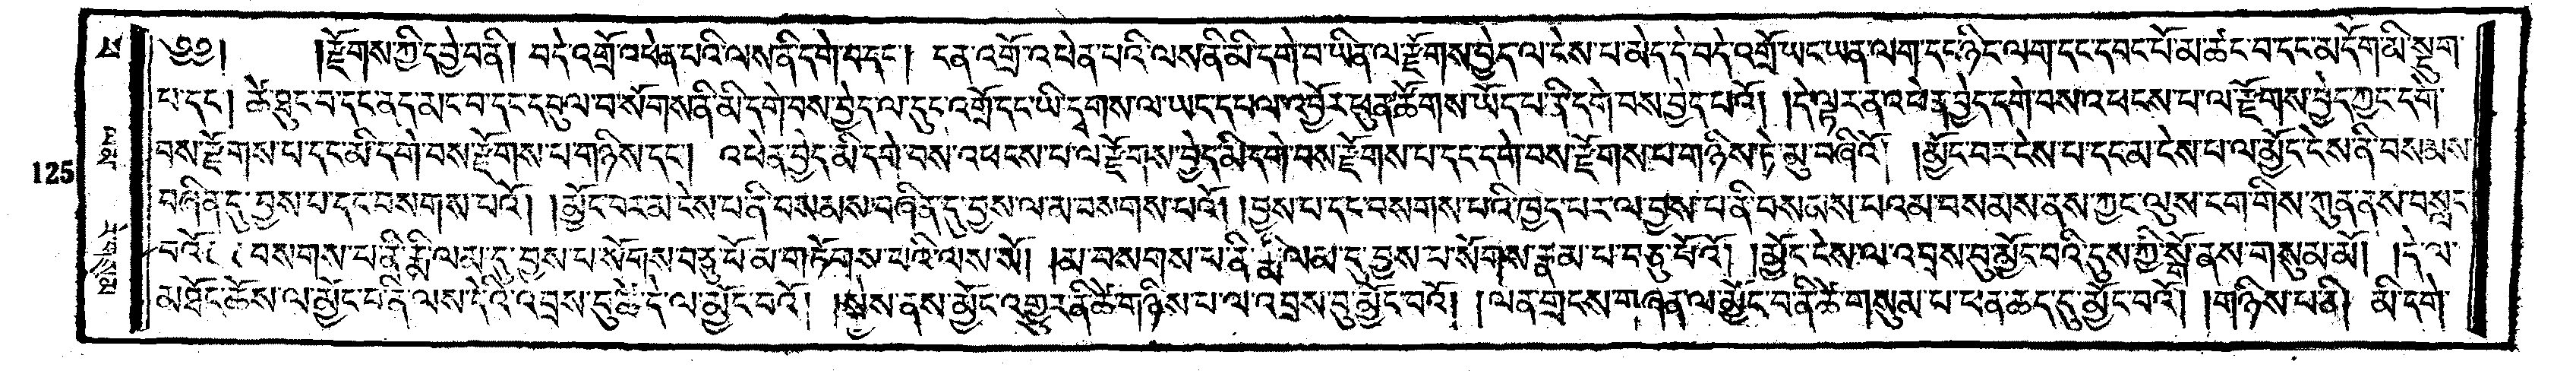༄༅། །རྫོགས་ཀྱི་དབྱེ་བ་ནི། བདེ་འགྲོ་འཕེན་པའི་ལས་ནི་དགེ་བ་དང་། ངན་འགྲོ་འཕེན་པའི་ལས་ནི་མི་དགེ་བ་ཡིན་ལ་རྫོགས་བྱེད་ལ་ངེས་པ་མེད་དེ་བདེ་འགྲོ་ཡང་ཡན་ལག་དང་ཉིང་ལག་དང་དབང་པོ་མ་ཚང་བ་དང་མདོག་མི་སྡུག་
པ་དང་། ཚེ་ཐུང་བ་དང་ནད་མང་བ་དང་དབུལ་བ་སོགས་ནི་མི་དགེ་བས་བྱེད་ལ་དུད་འགྲོ་དང་ཡི་དྭགས་ལ་ཡང་དཔལ་འབྱོར་ཕུན་ཚོགས་ཡོད་པ་ནི་དགེ་བས་བྱེད་པའོ། །དེ་ལྟར་ན་འཕེན་བྱེད་དགེ་བས་འཕངས་པ་ལ་རྫོགས་བྱེད་ཀྱང་དགེ་
བས་རྫོགས་པ་དང་མི་དགེ་བས་རྫོགས་པ་གཉིས་དང་། འཕེན་བྱེད་མི་དགེ་བས་འཕངས་པ་ལ་རྫོགས་བྱེད་མི་དགེ་བས་རྫོགས་པ་དང་དགེ་བས་རྫོགས་པ་གཉིས་ཏེ་མུ་བཞིའོ། །མྱོང་བར་ངེས་པ་དང་མ་ངེས་པ་ལ་མྱོང་ངེས་ནི་བསམས་
བཞིན་དུ་བྱས་པ་དང་བསགས་པའོ། །མྱོང་བར་མ་ངེས་པ་ནི་བསམས་བཞིན་དུ་བྱས་ལ་མ་བསགས་པའོ། །བྱས་པ་དང་བསགས་པའི་ཁྱད་པར་ལ་བྱས་པ་ནི་བསམས་པའམ་བསམས་ནས་ཀྱང་ལུས་ངག་གིས་ཀུན་ནས་བསླང་
བའོ༑ ༑བསགས་པ་ནི་རྨི་ལམ་དུ་བྱས་པ་སོགས་བཅུ་པོ་མ་གཏོགས་པའི་ལས་སོ། །མ་བསགས་པ་ནི་རྨི་ལམ་དུ་བྱས་པ་སོགས་རྣམ་པ་བཅུ་པོའོ། །མྱོང་ངེས་ལ་འབྲས་བུ་མྱོང་བའི་དུས་ཀྱི་སྒོ་ནས་གསུམ་མོ། །དེ་ལ་
མཐོང་ཆོས་ལ་མྱོང་བ་ནི་ལས་དེའི་འབྲས་བུ་ཚེ་དེ་ལ་མྱོང་བའོ། །སྐྱེས་ནས་མྱོང་འགྱུར་ནི་ཚེ་གཉིས་པ་ལ་འབྲས་བུ་མྱོང་བའོ། །ལན་གྲངས་གཞན་ལ་མྱོང་བ་ནི་ཚེ་གསུམ་པ་ཕན་ཆད་དུ་མྱོང་བའོ། །གཉིས་པ་ནི། མི་དགེ་